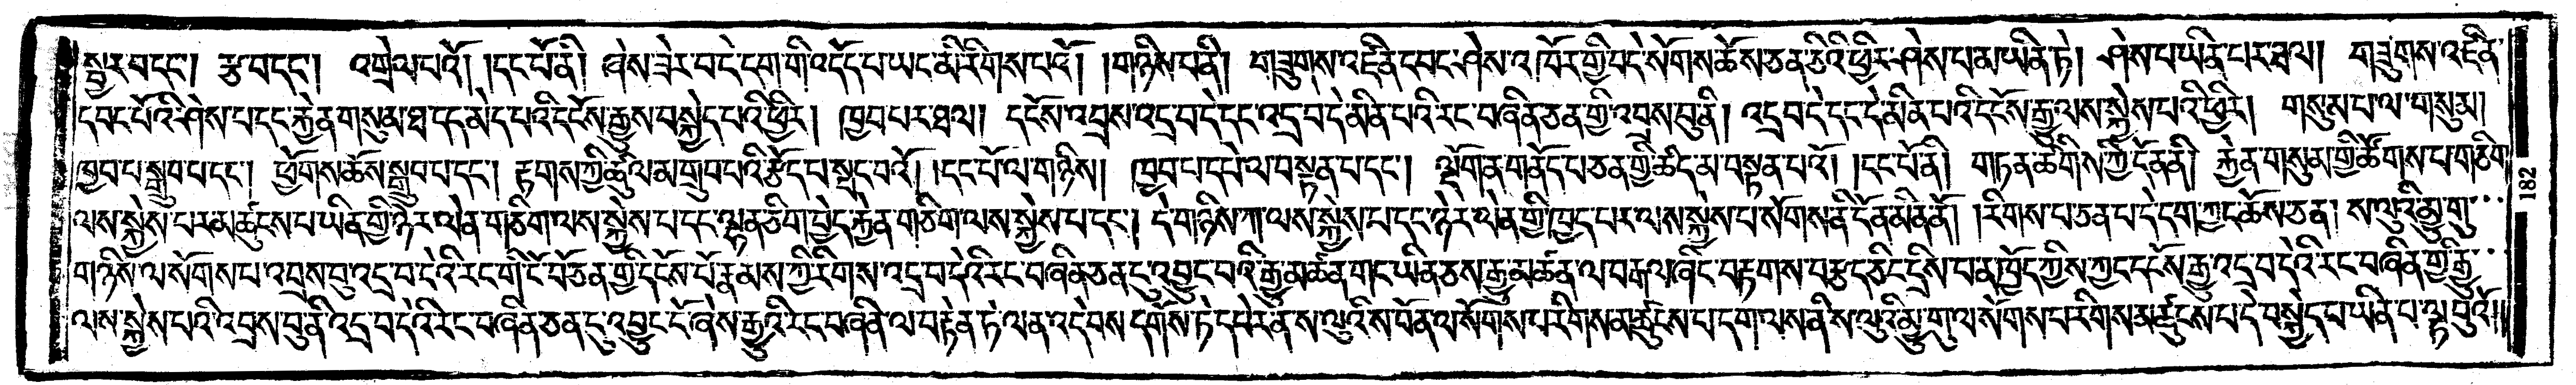སྦྱར་བ་དང་། རྩ་བ་དང་། འགྲེལ་པའོ། །དང་པོ་ནི། ཞེས་ཟེར་བ་དེ་དག་གི་འདོད་པ་ཡང་མི་རིགས་པའོ། །གཉིས་པ་ནི། གཟུགས་འཛིན་དབང་ཤེས་འཁོར་གྱི་བདེ་སོགས་ཆོས་ཅན་ཅིའི་ཕྱིར་ཤེས་པ་མ་ཡིན་ཏེ། ཤེས་པ་ཡིན་པར་ཐལ། གཟུགས་འཛིན་
དབང་པོའི་ཤེས་པ་དང་རྐྱེན་གསུམ་ཐ་དད་མེད་པའི་དངོས་རྒྱུས་བསྐྱེད་པའི་ཕྱིར། ཁྱབ་པར་ཐལ། དངོས་འབྲས་འདྲ་བ་དེ་དང་འདྲ་བ་དེ་མིན་པའི་རང་བཞིན་ཅན་གྱི་འབྲས་བུ་ནི། འདྲ་བ་དེ་དང་དེ་མིན་པའི་དངོས་རྒྱུ་ལས་སྐྱེས་པའི་ཕྱིར། གསུམ་པ་ལ་གསུམ།
ཁྱབ་པ་སྒྲུབ་པ་དང་། ཕྱོགས་ཆོས་སྒྲུབ་པ་དང་། རྟགས་ཀྱི་ཚུལ་མ་གྲུབ་པའི་རྩོད་པ་སྤང་བའོ། །དང་པོ་ལ་གཉིས། ཁྱབ་པ་དཔེ་ལ་བསྟན་པ་དང་། ལྡོག་ན་གནོད་པ་ཅན་གྱི་ཚད་མ་བསྟན་པའོ། །དང་པོ་ནི། གཏན་ཚིགས་ཀྱི་དོན་ནི། རྐྱེན་གསུམ་གྱི་ཚོགས་པ་གཅིག་
ལས་སྐྱེས་པར་མཚུངས་པ་ཡིན་གྱི་ཉེར་ལེན་གཅིག་ལས་སྐྱེས་པ་དང་ལྷན་ཅིག་བྱེད་རྐྱེན་གཅིག་ལས་སྐྱེས་པ་དང་། དེ་གཉིས་ཀ་ལས་སྐྱེས་པ་དང་ཉེར་ལེན་གྱི་ཁྱད་པར་ལས་སྐྱེས་པ་སོགས་ནི་དོན་མིན་ནོ། །རིགས་པ་ཅན་པ་དེ་དག་ཀྱང་ཆོས་ཅན། ས་ལུའི་མྱུ་གུ་
གཉིས་ལ་སོགས་པ་འབྲས་བུ་འདྲ་བ་དེའི་རང་གི་ངོ་བོ་ཅན་གྱི་དངོས་པོ་རྣམས་ཀྱི་རིགས་འདྲ་བ་དེའི་རང་བཞིན་ཅན་དུ་འབྱུང་བའི་རྒྱུ་མཚན་གང་ཡིན་ཅས་རྒྱུ་མཚན་ལ་བརྒལ་ཞིང་བརྟགས་བརྩད་ཅིང་དྲིས་པ་ན་ཁྱོད་ཀྱིས་ཀྱང་དངོས་རྒྱུ་འདྲ་བ་དེའི་རང་བཞིན་གྱི་རྒྱུ་
ལས་སྐྱེས་པའི་འབྲས་བུ་ནི་འདྲ་བ་དེའི་རང་བཞིན་ཅན་དུ་འབྱུང་ངོ་ཞེས་རྒྱུའི་རང་བཞིན་ལ་བརྟེན་ཏེ་ལན་འདེབས་དགོས་ཏེ་དཔེར་ན་ས་ལུའི་ས་བོན་ལ་སོགས་པ་རིགས་མཚུངས་པ་དག་ལས་ནི་ས་ལུའི་མྱུ་གུ་ལ་སོགས་པ་རིགས་མཚུངས་པ་དེ་བསྐྱེད་པ་ཡིན་པ་ལྟ་བུའོ།།